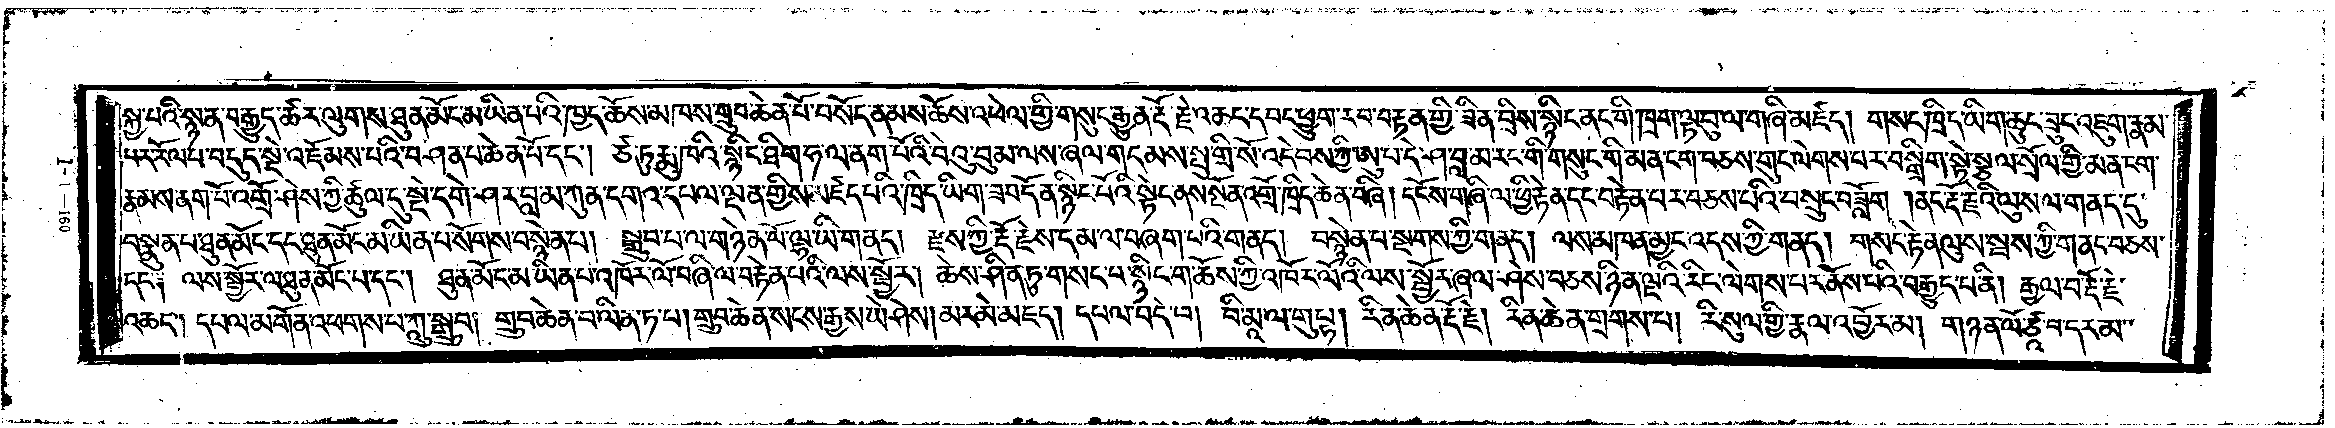སྐྱ་བའི་སྙན་བརྒྱུད་ཚར་ལུགས་ཐུན་མོང་མ་ཡིན་པའི་ཁྱད་ཆོས་མཁས་གྲུབ་ཆེན་པོ་བསོད་ནམས་ཆོས་འཕེལ་གྱི་གསུང་རྒྱུན་རྡོ་རྗེ་འཆང་དབང་ཕྱུག་རབ་བརྟན་གྱི་ཟིན་བྲིས་སྙིང་ནང་གི་ཁྲག་ལྟ་བུ་ལ་གཞི་མཛད། གསང་ཁྲིད་ཡིག་ཆུང་ཟུང་འཇུག་རྣམ་
པར་རོལ་པ་བདུད་སྡེ་འཇོམས་པའི་བཤན་པ་ཆེན་པོ་དང་། ཙ་ཏུ་རྨུ་ཁའི་སྙིང་ཐིག་ཧ་ལ་ནག་པོའི་བེའུ་བུམ་ལས་ཞལ་གདམས་སྤུ་གྲི་སོ་འདེབས་ཀྱི་ཨུ་པ་དེ་ཤ་བླ་མ་རང་གི་གསུང་གི་མན་ངག་བཅས་གུང་ལེགས་པར་བསྒྲིག་སྟེ་སྩལ་སྲོལ་གྱི་མན་ངག་
རྣམས་ནག་པོ་འགྲོ་ཤེས་ཀྱི་ཚུལ་དུ་སྡེ་དགེ་ཤར་བླ་མ་ཀུན་དགའ་དཔལ་ལྡན་གྱིས་མཛད་པའི་ཁྲིད་ཡིག་ཟབ་དོན་སྙིང་པོའི་སྟེང་ནས་སྔོན་འགྲོ་ཁྲིད་ཆེན་བཞི། དངོས་གཞི་ལ་ཕྱི་རྟེན་དང་བརྟེན་པར་བཅས་པའི་བསྲུང་བཟློག །ནང་རྡོ་རྗེའི་ལུས་ལ་གནད་དུ་
བསྣུན་པ་ཐུན་མོང་དང་ཐུན་མོང་མ་ཡིན་པ་སོགས་བསྙེན་པ། སྒྲུབ་པ་ལ་གཉེན་པོ་ལྷ་ཡི་གནད། རྫས་ཀྱི་རྡོ་རྗེས་དམ་ལ་བཞག་པའི་གནད། བསྙེན་པ་སྔགས་ཀྱི་གནད། ལས་མཁན་མྱང་འདས་ཀྱི་གནད། གསང་རྟེན་ལུས་སྦས་ཀྱི་གནང་བཅས་
དང༑ ལས་སྦྱོར་ལ་ཐུན་མོང་བ་དང་། ཐུན་མོང་མ་ཡིན་པ་འཁོར་ལོ་བཞི་ལ་བརྟེན་པའི་ལས་སྦྱོར། ཆེས་ཤིན་ཏུ་གསང་བ་སྙིང་ག་ཆོས་ཀྱི་འཁོར་ལོའི་ལས་སྦྱོར་ཞལ་ཤེས་བཅས་ཉིན་ལྔའི་རིང་ལེགས་པར་ནོས་པའི་བརྒྱུད་པ་ནི། རྒྱལ་བ་རྡོ་རྗེ་
འཆང་། དཔལ་མགོན་འཕགས་པ་ཀླུ་སྒྲུབ། གྲུབ་ཆེན་བ་ལིན་ཏ་པ། གྲུབ་ཆེན་སངས་རྒྱས་ཡེ་ཤེས། མར་མེ་མཛད། དཔལ་བདེ་བ། བི་མཱ་ལ་གུཔྟ། རིན་ཆེན་རྡོ་རྗེ། རིན་ཆེན་གྲགས་པ། རི་སུལ་གྱི་རྣལ་འབྱོར་མ། གཉན་ལོ་ཙཱ་བ་དར་མ་